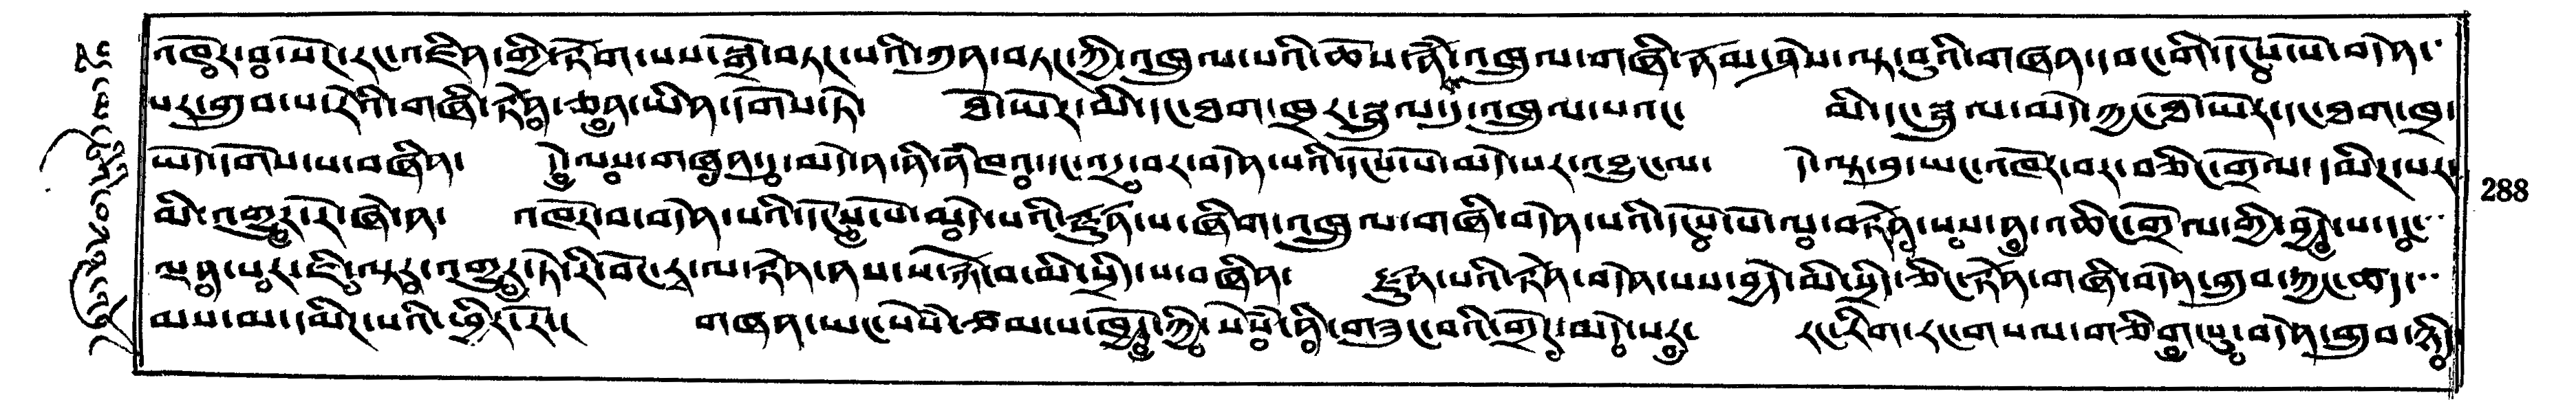འཁོར་བ་སོགས་རང་འཛིན་གྱི་རྟོག་པས་སྒྲོ་བཏགས་པའི་ཀུན་བཏགས་ཀྱིས་འཁྲུལ་པའི་ཆོས་རྣམས་འཁྲུལ་གཞི་རྣམ་ཤེས་ལྟ་བུའི་གཞན་དབང་གི་དངོས་པོ་བདེན་
པར་གྲུབ་པ་རེའི་གཞི་རྟེན་ཅན་ཡིན་དགོས་ཏེ། ཐོ་ཡོར་མི་དང་ཐག་ཁྲར་སྦྲུལ་དུ་འཁྲུལ་པའང་། མི་དང་སྦྲུལ་མེད་ཀྱང་ཐོ་ཡོར་དང་ཐག་ཁྲ་
ཡོད་དགོས་པ་བཞིན། དེ་ལས་གཞན་དུ་མེད་ན་ནི་ནམ་མཁའ་དང་འདྲ་བར་བདེན་པའི་དངོས་པོ་མེད་པར་འབྱུང་ལ། དེ་ལྟ་བུ་ཡང་འཁོར་བར་བཅིངས་གྲོལ་དམིགས་པར་
མི་འགྱུར་རོ་ཞེ་ན།འཁོར་བ་བདེན་པའི་དངོས་པོ་མེད་པའི་རྫུན་པ་ཞིག་འཁྲུལ་གཞི་བདེན་པའི་དངོས་པོ་ལ་བརྟེན་པས་ན་འཆིང་གྲོལ་གྱི་བྱེད་པ་དང་
ལྡན་པར་ཇི་ལྟར་འགྱུར་ཏེ་རི་བོང་རྭ་ལ་བརྟེན་ནས་ས་རྐོ་བ་མི་སྲིད་པ་བཞིན། རྫུན་པའི་རྟེན་བདེན་པས་བྱེད་མི་སྲིད་ཅིང་རྟེན་གཞི་བདེན་གྲུབ་ཀྱང་ཚད་
མས་མ་དམིགས་པའི་ཕྱིར་རོ།། གཞན་ཡང་སེམས་ཙམ་པ་ཁྱོད་ཀྱི་སེམས་ནི་གཟུང་བའི་གྲོགས་མེད་པར། རང་རིག་རང་གསལ་གཅིག་པུ་བདེན་གྲུབ་ཉིད་